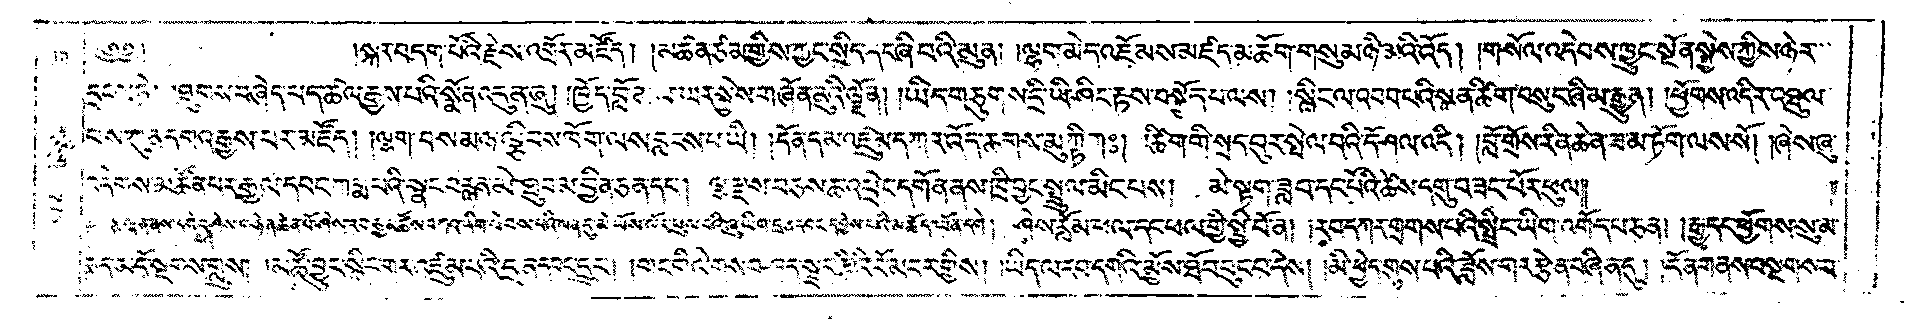༄༅། །སྐར་བདག་པོའི་རྗེས་འགྲོར་མཛོད། །མཚན་ཙམ་གྱིས་ཀྱང་སྲིད་དང་ཞི་བའི་མུན། །ལྷག་མེད་འཇོམས་མཛད་མཆོག་གསུམ་ཉི་མའི་འོད། །གསོལ་འདེབས་ཁྱུང་སྔོན་སྐྱེས་ཀྱིས་ཉེར་
དྲངས་ཏེ། །ཐུགས་བཞེད་པད་ཚལ་རྒྱས་པའི་སྨོན་འདུན་ཞུ། །ཁྱོད་བློ་མལ་ཡར་སྐྱེས་གཞོན་ནུའི་ལྗོན། །ཡིད་གཅུགས་དྲི་ཡི་ཤིང་རྟས་བསྐྱོད་པ་ལས། །སྙིང་ལ་འབབ་པའི་སྙན་ཚིག་བསུང་ཞིམ་རྒྱུན། །ཕྱོགས་འདིར་འཐུལ་
བས་ཀུན་དགའ་རྒྱས་པར་མཛོད། །ལྷག་བསམ་ཉ་ལྕིབས་ཁོག་ལས་བླངས་པ་ཡི། །དོན་དམ་འཛུམ་དཀར་འོད་ཆགས་མུཀྟི་ཀཿ། །ཚིག་གི་སྲད་བུར་སྤེལ་བའི་དོ་ཤལ་འདི། །བློ་གྲོས་རིན་ཆེན་ཟ་མ་ཏོག་ལས་སོ། །ཞེས་ཞུ་
འདེགས་མཚོན་པར་རྒྱལ་དབང་ཀརྨ་པའི་སྣང་བརྙན་མེ་ཐུབ་མ་བྱིན་ཅན་དང་། ལྷ་རྫས་བཅས་ཆ་འཕྲེང་དགོན་ནས་ཁྲི་བྱང་སྤྲུལ་མིང་པས། མེ་སྟག་ཟླ་བ་དང་པོའི་ཚེས་དགུ་བཟང་པོར་ཕུལ།། །།
༈ ལྷ་ལྡན་ནས་དགེ་བའི་བཤེས་གཉེན་ཆེན་པོ་ཤེས་རབ་རྒྱ་མཚོས་བཀའ་ཡིག་ཕེབས་པའི་ལན་དུ་མེ་ཡོས་ལོར་ཕུལ་བའི་ཞུ་ཡིག་དྲན་དབང་དགྱེས་པའི་མཆོད་ཡོན་དགེ།  ཤེས྾་རློམ་ཕལ་དང་ཕལ་གྱི་སྤྱི་བོ་ན། །རབ྾་དཀར་གྲགས་པའི་སྤྲིང་ཡིག་འགོད་པ་ཅན། །རྒྱ྾་དང་ཕྱོགས་སུ་མ་
ཆད་མདོ་སྔགས་གླུས། །མཚོ྾་བྱུང་སྙིང་གར་འཛུམ་པའི་དྲན་དབང་དྲུང་། །གང་གི་ལེགས་བཤད་སྦྲང་རྩིའི་རོ་མངར་གྱིས། །ཡིད་ལ་རབ་དགའི་མྱོས་ཐོབ་བུང་བ་དེས། །མི་ཕྱེད་གུས་པའི་ཟློས་གར་རྩེན་བཞིན་དུ། །དོན་གནས་བསྔགས་པ་